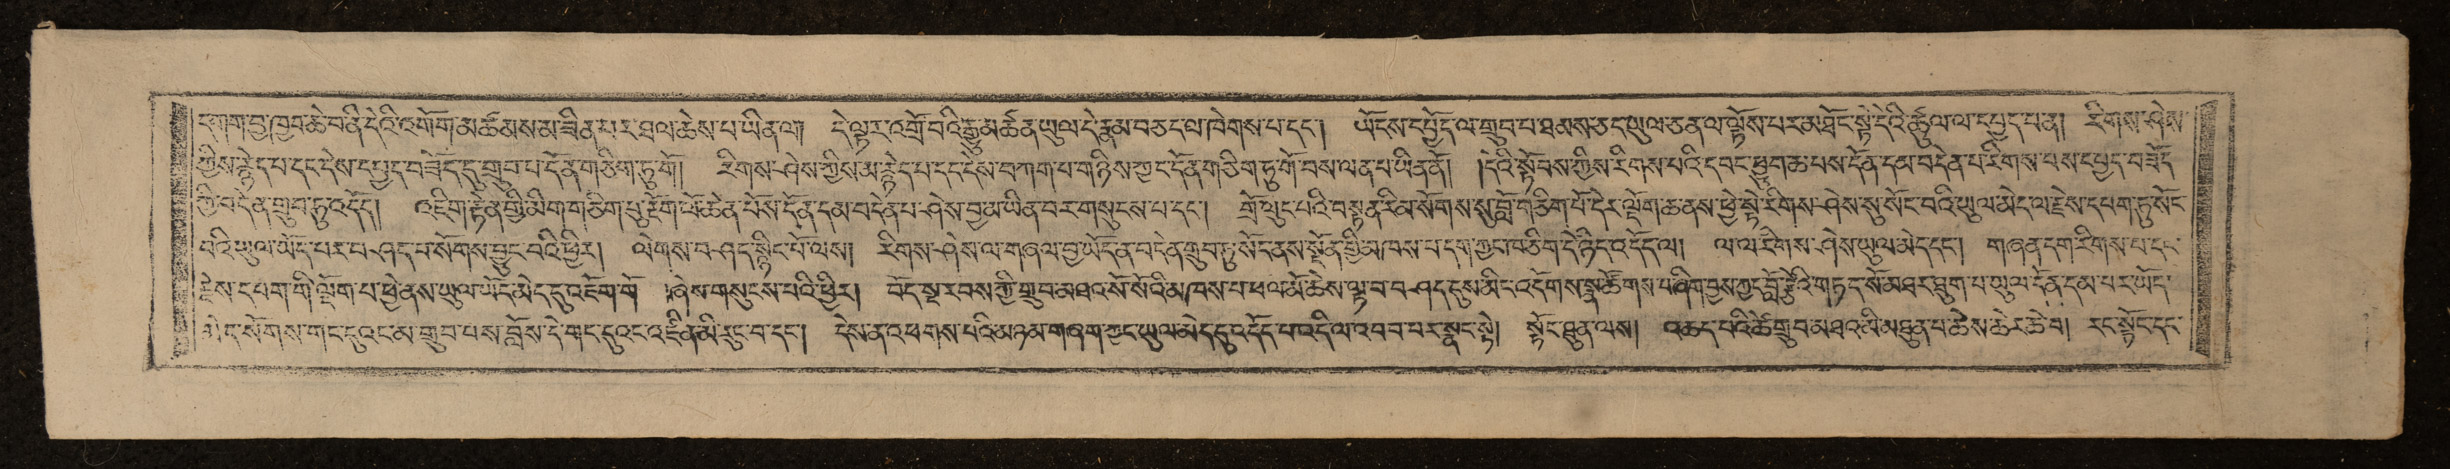དགག་བྱ་ཁྱབ་ཆེ་བ་ནི་དེའི་འགོག་མཚམས་མ་ཟིན་པར་ཐལ་ཆེས་བ་ཡིན་ལ། དེ་ལྟར་འགྲོ་བའི་རྒྱུ་མཚན་ཡུལ་དེ་རྣམ་བཅད་ལ་ཁེངས་པ་དང་། ཡོངས་དཔྱོད་ལ་གྲུབ་པ་ཐམས་ཅད་ཡུལ་ཅན་ལ་ལྟོས་པར་མཐོང་སྟེ་དེའི་ཚུལ་ལ་དཔྱད་པ་ནི། རིགས་ཤེས་
ཀྱིས་རྙེད་པ་དང་དེས་དཔྱད་བཟོད་དུ་གྲུབ་བ་དོན་གཅིག་ཏུ་གོ། རིགས་ཤེས་ཀྱིས་མ་རྙེད་པ་དང་ངེས་བཀག་པ་གཉིས་ཀྱང་དོན་གཅིག་ཏུ་གོ་བས་ལན་པ་ཡིན་ནོ། །དེའི་སྟོབས་ཀྱིས་རིགས་པའི་དབང་ཕྱུག་ཕྱ་བས་དོན་དམ་བདེན་པ་རིགས་པས་དཔྱད་བཟོད་
ཀྱི་བདེན་གྲུབ་ཏུ་འདོད། འཇིག་རྟེན་གྱི་མིག་གཅིག་པུ་རྡོག་ལོ་ཆེན་པོས་དོན་དམ་བདེན་པ་ཤེས་བྱ་མ་ཡིན་པར་གསུངས་པ་དང་། གྲོ་ལུང་བའི་བསྟན་རིམ་སོགས་སུ་བློ་གཅིག་པོ་དེར་ལྡོག་ཆ་ནས་ཕྱེ་སྟེ་རིགས་ཤེས་མུ་སོང་བའི་ཡུལ་མེད་ལ་རྗེས་དཔག་ཏུ་གློང་
བའི་ཡུལ་ཡོད་པར་བཤད་པ་སོགས་བྱུང་བའི་ཕྱིར། ལེགས་བཤད་སྙིང་པོ་ལས། རིགས་ཤེས་ལ་གཞལ་བྱ་ཡོད་ན་བདེན་གྲུབ་ཏུ་སོང་ནས་སྔོན་གྱི་མཁས་བདག་ཀྱང་ཁ་ཅིག་དེ་ཉིད་འདོད་ལ། ལ་ལ་རིགས་ཤེས་ཡུལ་མེད་དང་། གཞན་དག་རིགས་པ་དང་
རྗེས་དཔག་གི་ལྡོག་པ་ཕྱེ་ནས་ཡུལ་ཡོད་མེད་དུ་འཇོག་གོ། ཞེས་གསུངས་པའི་ཕྱིར། བོད་སྔ་རབས་ཀྱི་གྲུབ་མཐའ་སོ་སོའི་མཁས་པ་ཕལ་མོ་ཆེས་ལྟ་བ་བཤད་དུས་མིང་འདོགས་སྣ་ཚོགས་བཞིག་བྱས་ཀྱང་བློ་རྩེའི་གཏད་སོ་མཐར་ཐུག་པ་ཡུལ་དོན་དམ་པར་ཡོད་
མེད་སོགས་གང་དུའང་མ་གྲུབ་པས་བློས་དེ་གང་དུའང་འཛིན་མི་རུང་བ་དང་། དེས་ན་འཕགས་པའི་མཉམ་གཞག་ཀྱང་ཡུལ་མེད་དུ་འདོད་པ་འདི་ལ་འབབ་པར་སྣང་སྟེ། སྟོང་ཐུན་ལས། འཆད་པའི་ཚེ་གྲུབ་མཐའ་མི་མཐུན་པ་ཆེས་ཆེར་ཆེ་བ། རང་སྟོང་དང་